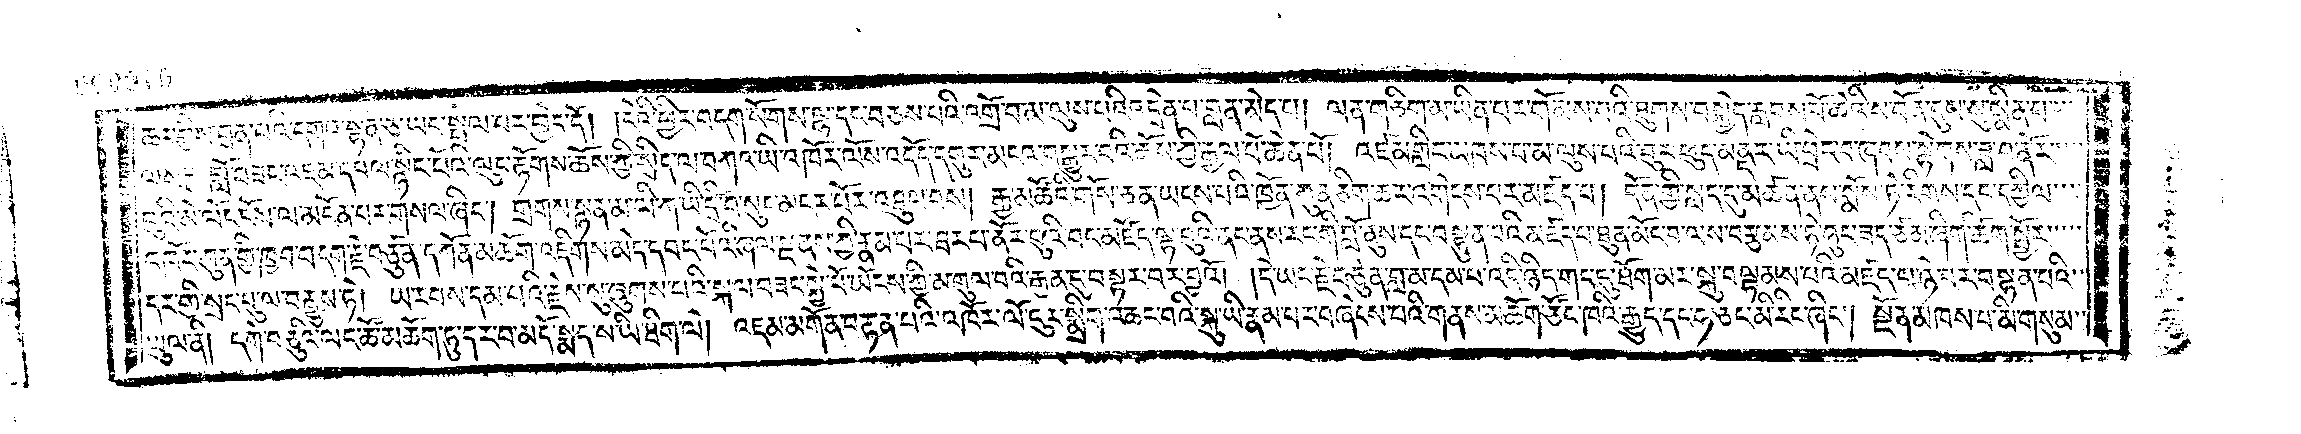ཆར་གྱིས་བྲན་པའི་དགའ་སྟོན་ཅི་ཡང་སྤེལ་བར་བྱེད་དོ། །དེའི་ཕྱིར་བདག་སོགས་ལྷ་དང་བཅས་པའི་འགྲོ་བ་མ་ལུས་པའི་འདྲེན་པ་བླ་ན་མེད་པ། ལན་གཅིག་མ་ཡིན་པར་གོམས་པའི་ཐུགས་བསྐྱེད་རླབས་པོ་ཆེའི་ས་བོན་དུས་སུ་སྨིན་པ་
ལས༑ བློ་བཟང་འཇམ་དཔལ་སྙིང་པོའི་ལུང་རྟོགས་ཆོས་ཀྱི་སྲིད་ལ་བཀའ་ཡི་འཁོར་ལོས་འདོད་དགུར་མངའ་བསྒྱུར་པའི་ཆོས་ཀྱི་རྒྱལ་པོ་ཆེན་པོ། འཛམ་གླིང་མཁས་པ་མ་ལུས་པའི་ཟུར་ཕུད་མནྡ་ར་ཡི་ཕྲེང་བ་ཞབས་སྟེགས་ཟླ་བ་ནོར་
བུའི་མེ་ལོང་ངོས་ལ་མངོན་པར་གསལ་ཞིང་། གྲགས་སྙན་མ་ལི་ཀ་ཡི་དྲི་བསུང་མངར་པོར་འཐུལ་བས། རྒྱ་མཚོའི་གོས་ཅན་ཡངས་པའི་ཁྱོན་ཀུན་གཅིག་ཆར་འགེངས་པར་མཛད་པ། དོན་གྱི་སླད་དུ་མཚན་ནས་སྨོས་ཏེ་རིགས་དང་དཀྱིལ་
འཁོར་ཀུན་གྱི་ཁྱབ་བདག་རྗེ་བཙུན་དཀོན་མཆོག་འཇིགས་མེད་དབང་པོའི་ཞལ་སྔ་ནས་ཀྱི་རྣམ་པར་ཐར་པ་ནོར་བུའི་བང་མཛོད་ལྟ་བུའི་ནང་ནས་རང་གི་བློ་ནུས་དང་བསྟུན་པའི་མཛད་པ་ཐུན་མོང་བ་ལས་བརྩམས་ཏེ་ཉུང་ཟད་ཙམ་ཞིག་ཚིག་སྦྱོར་
དར་གྱི་སྲད་པུ་ལ་བརྒྱུས་ཏེ། ཡ་རབས་དམ་པའི་རྗེས་སུ་ཞུགས་པའི་སྐལ་བཟང་སྐྱེ་པོ་ཡོངས་ཀྱི་མགུལ་བའི་རྒྱན་དུ་བསྟར་བར་བྱའོ། །དེ་ཡང་རྗེ་བཙུན་བླ་མ་དམ་པ་འདི་ཉིད་གང་དུ་ཐོག་མར་སྐུ་བལྟམས་པའི་མཛད་པ་ཉེ་བར་བསྟན་པའི་
ཡུལ་ནི། དགེ་བཅུའི་ལང་ཚོ་མཆོག་ཏུ་དར་བ་མདོ་སྨད་ས་ཡི་ཐིག་ལེ། འཇམ་མགོན་བརྟན་པའི་འཁོར་ལོ་དུར་སྨིག་འཆང་བའི་སྐུ་ཡི་རྣམ་པར་བཞེངས་པའི་གནས་མཆོག་ཙོང་ཁའི་རྒྱུད་དང་ཧ་ཅང་མི་རིང་ཞིང་། སྔོན་མཁས་པ་མི་གསུམ་